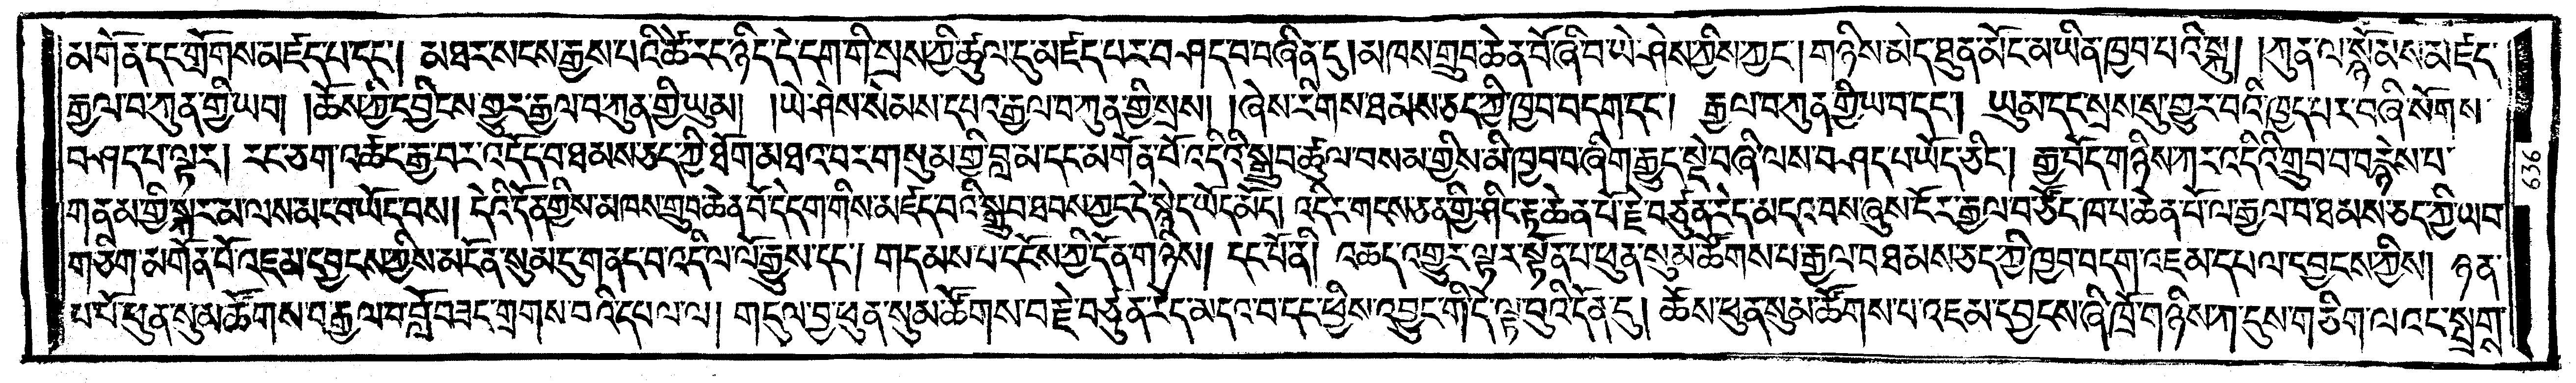མགོན་དང་གྲོགས་མཛད་པ་དང་། མཐར་སངས་རྒྱས་པའི་ཚེ་རང་ཉིད་དེ་དག་གི་སྲས་ཀྱི་ཚུལ་དུ་མཛད་པར་བཤད་པ་བཞིན་དུ། མཁས་གྲུབ་ཆེན་པོ་ཞི་བ་ཡེ་ཤེས་ཀྱིས་ཀྱང་། གཉིས་མེད་ཐུན་མོང་མ་ཡིན་ཁྱབ་པའི་སྐུ། །ཀུན་ལ་སྙོམས་མཛད་
རྒྱལ་བ་ཀུན་གྱི་ཡབ། །ཆོས་ཀྱི་དབྱིངས་གྱུར་རྒྱལ་བ་ཀུན་གྱི་ཡུམ། །ཡེ་ཤེས་སེམས་དཔའ་རྒྱལ་བ་ཀུན་གྱི་སྲས། །ཞེས་རིགས་ཐམས་ཅད་ཀྱི་ཁྱབ་བདག་དང་། རྒྱལ་བ་ཀུན་གྱི་ཡབ་དང་། ཡུམ་དང་སྲས་སུ་གྱུར་བའི་ཁྱད་པར་བཞི་སོགས་
བཤད་པ་ལྟར། རང་ཅག་འཚང་རྒྱ་བར་འདོད་བ་ཐམས་ཅད་ཀྱི་ཐོག་མཐའ་བར་གསུམ་གྱི་བླ་མ་དང་མགོན་པོ་འདིའི་སྒྲུབ་ཚུལ་བསམ་གྱིས་མི་ཁྱབ་བ་ཞིག་རྒྱུད་སྡེ་བཞི་ལས་བཤད་པ་ཡོད་ཅིང་། རྒྱ་བོད་གཉིས་ཀར་འདིའི་གྲུབ་པ་བརྙེས་པ་
གནམ་གྱི་སྐར་མ་ལས་མང་བ་ཡོད་བས། དེའི་དོན་གྱིས་མཁས་གྲུབ་ཆེན་པོ་དེ་དག་གིས་མཛད་བའི་སྒྲུབ་ཐབས་ཀྱང་དེ་སྙེད་ཡོད་མོད། འདིར་གངས་ཅན་གྱི་ཤིང་རྟ་ཆེན་པོ་རྗེ་བཙུན་རེད་མདའ་བས་ཞུས་ངོར་རྒྱལ་བ་ཙོང་ཁ་པ་ཆེན་པོ་ལ་རྒྱལ་བ་ཐམས་ཅད་ཀྱི་ཡབ་
གཅིག་མགོན་པོ་འཇམ་དབྱངས་ཀྱིས་མངོན་སུམ་དུ་གནང་བ་འདི་ལ་ལོ་རྒྱུས་དང་། གདམས་པ་དངོས་ཀྱི་དོན་གཉིས། དང་པོ་ནི། འཆད་འགྱུར་ལྟར་སྟོན་པ་ཕུན་སུམ་ཚོགས་པ་རྒྱལ་པ་ཐམས་ཅད་ཀྱི་ཁྱབ་བདག་འཇམ་དཔལ་དབྱངས་ཀྱིས། ཉན་
པ་པོ་ཕུན་སུམ་ཚོགས་པ་རྒྱལ་བ་བློ་བཟང་གྲགས་པའི་དཔལ་ལ། གདུལ་བྱ་ཕུན་སུམ་ཚོགས་བརྗེ་བཙུན་རེད་མདའ་བ་དང་ཕྱིས་འབྱུང་གི་དེ་ལྟ་བུའི་དོན་དུ། ཆོས་ཕུན་སུམ་ཚོགས་པ་འཇམ་དབྱངས་ཞི་ཁྲོ་གཉིས་ཀ་དུས་གཅིག་ལའང་སྤྲགས་